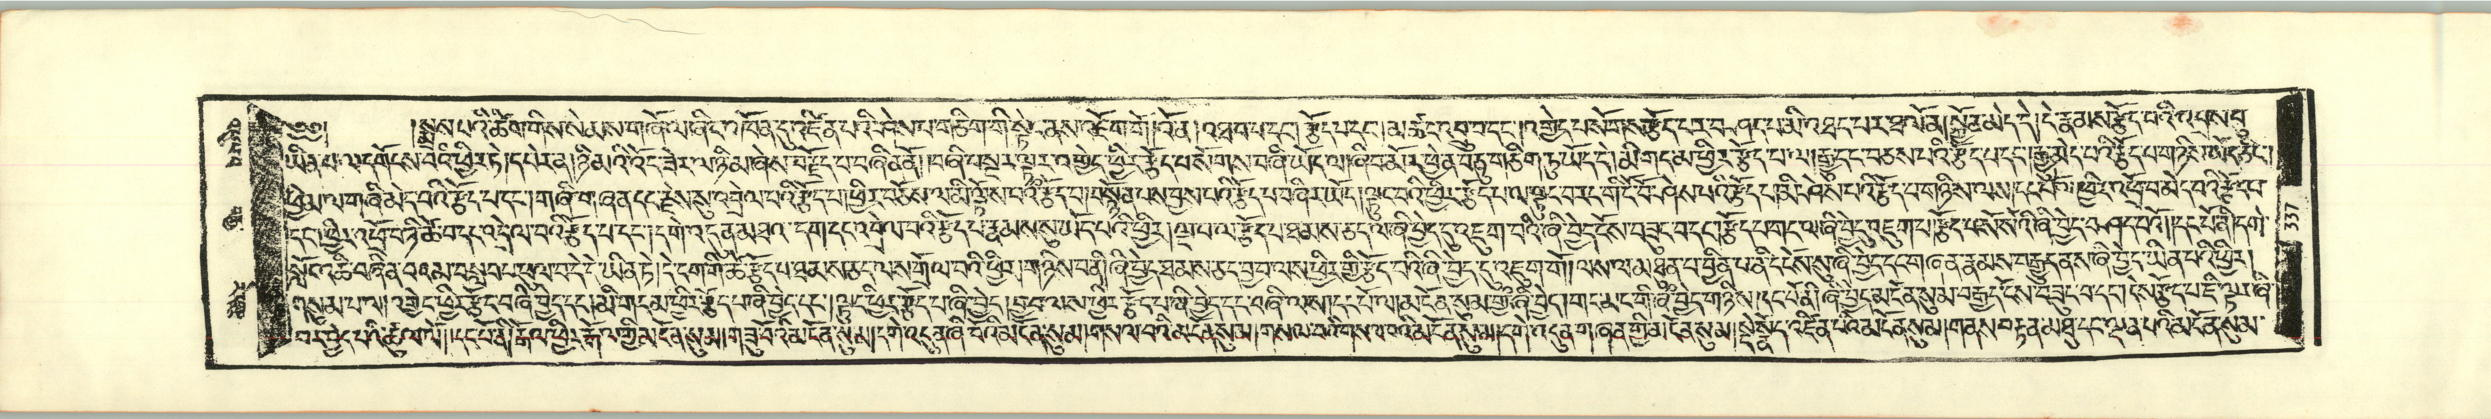༄༅། །སྨྲས་པའི་ཚིག་གིས་སེམས་གཞོལ་ཞིང་འཁོན་དུ་འཛིན་པའི་ཤེས་པ་གཅིག་གི་སྟེང་ནས་འཇོག་གོ །འོ་ན། འཐབ་པ་དང་། རྩོད་པ་དང་། མཚང་འབྲུ་བ་དང་། འགྱེད་པ་སོགས་རྩོད་པར་བཤད་པ་མི་འཐད་པར་ཐལ་ལོ་ན། སྐྱོན་མེད་དེ། དེ་རྣམས་རྩོད་པའི་འབྲས་བུ་
ཡིན་པ་ལ་དགོངས་བའི་ཕྱིར་ཏེ། དཔེར་ན། ཉི་མའི་འོད་ཟེར་ལ་ཉི་མ་ཞེས་བརྗོད་པ་བཞིན་ནོ། །བཞི་པ་སྔར་ལྟར་འགྱེད་ཕྱིར་རྩོད་པ་སོགས་བཞི་ཡོད་ལ། ཞིབ་མོར་ཕྱེ་ན་བཅུ་གཅིག་ཏུ་ཡོད་དེ། མི་གད་མ་ཕྱིར་རྩོད་པ་ལ། རྒྱུ་དང་བཅས་པའི་རྩོད་པ་དང་། རྒྱུ་མེད་པའི་རྩོད་པ་གཉིས་ཡོད་ཅིང་།
ཕྱི་མ་ལ་གཞི་མེད་པའི་རྩོད་པ་དང་། གཞི་གཞན་དང་རྗེས་སུ་འབྲེལ་པའི་རྩོད་པ། ཕྱིར་བཅོས་ལ་མི་ལྟོས་པའི་རྩོད་པ། བསྙོན་པས་བྱས་པའི་རྩོད་པ་བཞིར་ཡོད། ལྟུང་བའི་ཕྱིར་རྩོད་པ་ལ་ལྟུང་བ་རང་གི་ངོ་བོ་ཤེས་པའི་རྩོད་པ། མི་ཤེས་པའི་རྩོད་པ་གཉིས་ལས། དང་པོ་ལ་ཕྱིར་འཕྲོ་བ་མེད་བའི་རྩོད་པ་
དང་། ཕྱིར་འཕྲོ་བ་ཉི་ཚེ་བ་དང་འབྲེལ་བའི་རྩོད་པ་དང་། དགེ་འདུན་མཐའ་དག་དང་འབྲེལ་བའི་རྩོད་པ་རྣམས་སུ་ཡོད་པའི་ཕྱིར། ལྔ་པ་ལ་རྩོད་པ་ཐམས་ཅད་ལ་ཞི་བྱེད་དུ་འཇུག་པའི་ཞི་བྱེད་ངོས་བཟུང་བ་དང་། རྩོད་པ་གང་ལ་ཞི་བྱེད་དུ་འཇུག་པ། རྩོད་པ་སོ་སོའི་ཞི་བྱེད་བཤད་པའོ། །དང་པོ་ནི། དགེ་
སློང་འཆི་བཞིན་བའམ་བསླབ་པ་ཕུལ་བ་དེ་དེ་ཡིན་ཏེ། དེ་དག་གི་ཚེ་རྩོད་པ་ཐམས་ཅད་ལས་གྲོལ་བའི་ཕྱིར། གཉིས་པ་ནི། ཞི་བྱེད་ཐམས་ཅད་བྱ་བ་ལས་ཕྱིར་གྱི་རྩོད་པའི་ཞི་བྱེད་དུ་འཇུག་གོ །ལས་ལ་མཐུན་པ་བྱིན་པ་ནི་དངོས་སུ་ཞི་བྱེད་དང་གཞན་རྣམས་བརྒྱུད་ནས་ཞི་བྱེད་ཡིན་པའི་ཕྱིར།
གསུམ་པ་ལ། འགྱེད་ཕྱིར་རྩོད་བཞི་བྱེད་དང་། མི་གདམ་ཕྱིར་རྩོད་པ་ཞི་བྱེད་དང་། ལྟུང་ཕྱིར་རྩོད་པ་ཞི་བྱེད། བྱ་བ་ལས་ཕྱིར་རྩོད་པ་ཞི་བྱེད་དང་བཞི་ལས། དང་པོ་ལ། མངོན་སུམ་གྱི་ཞི་བྱེད། གང་མང་གི་ཞི་བྱེད་གཉིས། དང་པོ་ནི། ཞི་བྱེད་མངོན་སུམ་བརྒྱད་ངོས་བཟུང་བ་དང་། དེས་རྩོད་པ་ཇི་ལྟར་ཞི་
བར་བྱེད་པའི་ཚུལ་ལོ། །དང་པོ་ནི། རྒོལ་ཕྱིར་རྒོལ་གྱི་མངོན་སུམ། གཟུ་བོའི་མངོན་སུམ། དགེ་འདུན་ཞི་བོའི་མངོན་སུམ། གསལ་བའི་མངོན་སུམ། གསལ་བའི་གསལ་བའི་མངོན་སུམ། དགེ་འདུན་གཞན་གྱི་མངོན་སུམ། སྡེ་སྣོད་འཛིན་པའི་མངོན་སུམ། གནས་བརྟན་མཐུ་དང་ལྡན་པའི་མངོན་སུམ་